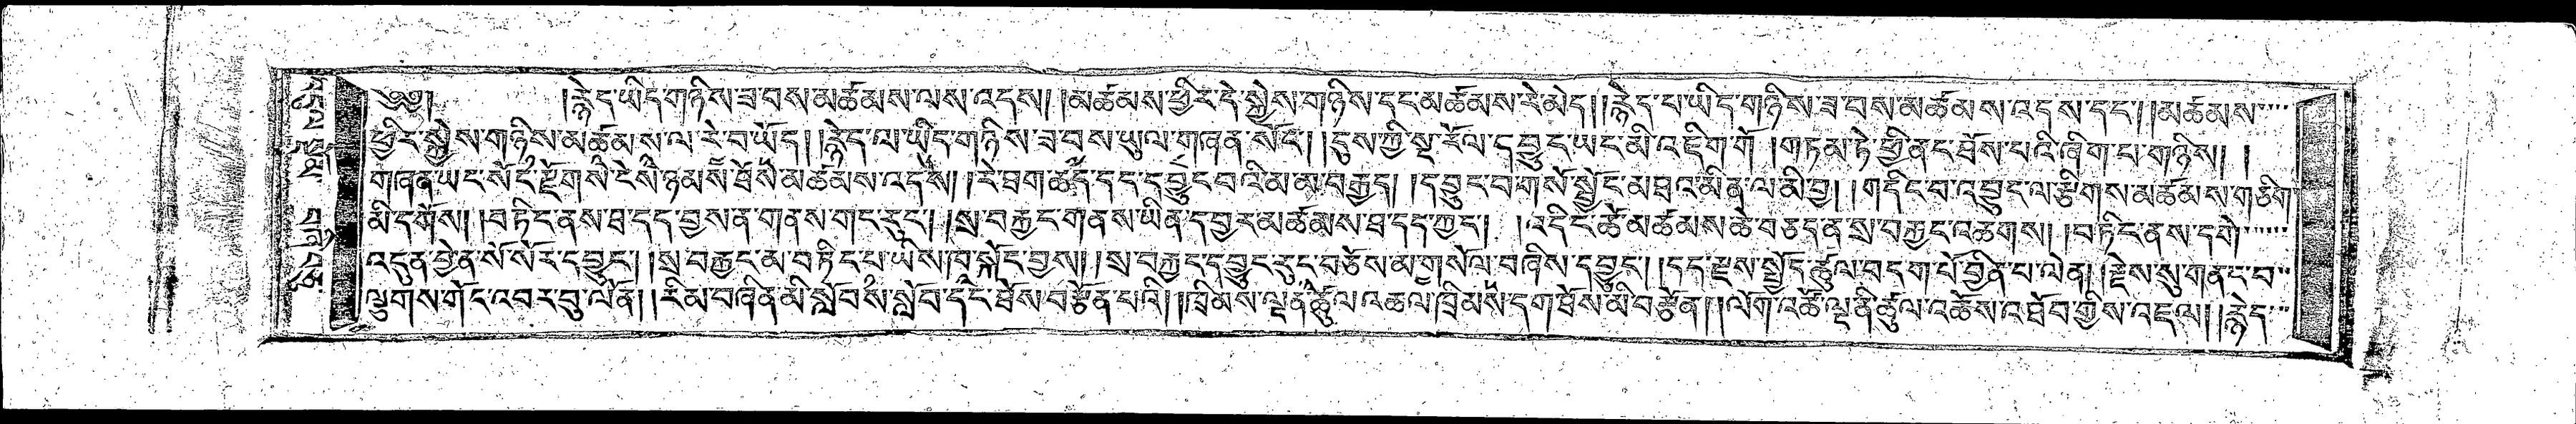༄༅། །རྙེད་ཡིད་གཉིས་ཟ་བས་མཚམས་ལས་འདས། །མཚམས་ཕྱིར་དེ་སྐྱེས་གཉིས་དང་མཚམས་རེ་མེད། །རྙེད་པ་ཡིད་གཉིས་ཟ་བས་མཚམས་འདས་དང་། །མཚམས་
ཕྱིར་སྐྱེས་གཉིས་མཚམས་ལ་རེ་བ་ཡོད། །རྙེད་ལ་ཡིད་གཉིས་ཟ་བས་ཡུལ་གཞན་སོང་། །དུས་ཀྱི་སྔ་རོལ་དབྱུང་ཡང་མི་འཇིག་གོ །གཏམ་ཏེ་ཕྱི་ནང་ཐོས་པའི་ཞིག་པ་གཉིས། །
གཞན་ཡང་སོང ༡་རྫོགས ༢་ངེས ༣་ཉམས ༤་ཐོས ༥་མཚམས་འདས ༦་། །རེ་ཐག་ཆད ༧་དང་དབྱུང ༨་བའི་མ་མ་བརྒྱད། །དབྱུང་བ་གསོ་སྦྱོང་མཐའ་མིན་ལ་མི་བྱ། །གདིང་བ་འབྱུང་ལ་རྩིགས་མཚམས་གཅིག་
མི་དགོས། །བཏིང་ནས་ཐ་དད་བྱས་ན་གནས་གང་རུང་། །སྲ་བརྐྱང་གནས་ཡིན་དབྱར་མཚམས་ཐ་དད་ཀྱང་། །འདིང་ཚེ་མཚམས་ཆེ་བཅད་ན་སྲ་བརྐྱང་འཆགས། །བཏིང་ནས་དགེ་
འདུན་བྱེ་ན་སོ་སོར་དབྱུང་། །སྲ་བརྐྱང་མ་བཏིང་པ་ཡིས་ཁ་སྐོང་བྱས། །སྲ་བརྐྱང་དབྱུང་རུང་བཅོས་མ་གསོལ་བཞིས་དབྱུང་། །དད་རྫས་སྤྱོད་ཚུལ་བདག་པོ་བྱིན་པ་ལེན། །རྗེས་སུ་གནང་བ་
ལྕགས་གོང་འབར་བུ་ལོན། །རིམ་བཞིན་མི་སློབས ༡་སློབ་དང ༢་ཐོས་བརྩོན་པའི། །ཁྲིམས་ལྡན ༣་ཚུལ་འཆལ ༤་ཁྲིམས ༥་དག་ཐོས་མི་བརྩོན། །ལོག་འཚོ་ལྔ་ནི་ཚུལ་འཆོས་འཐོབ་གྱིས་འཇལ། །རྙེད་